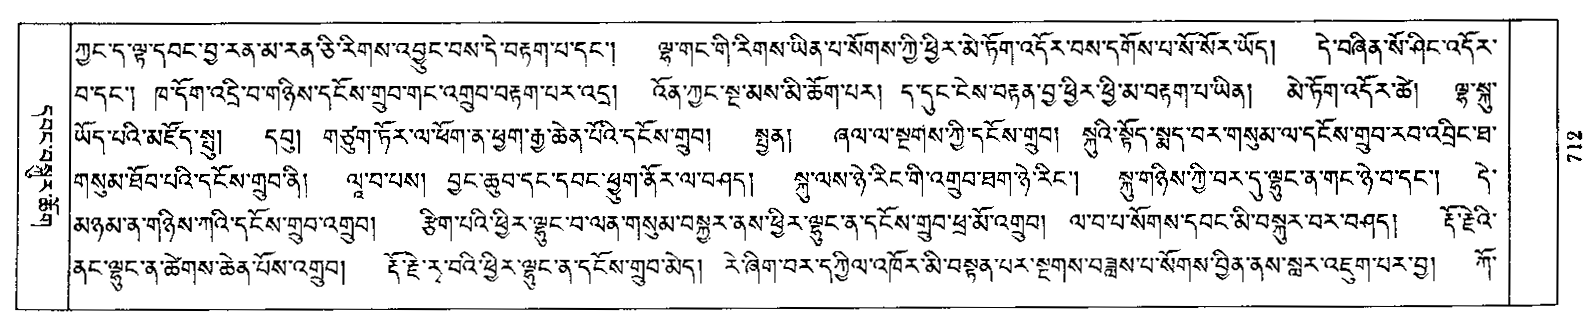ཀྱང་ད་ལྟ་དབང་བྱ་རན་མ་རན་ཅི་རིགས་འབྱུང་བས་དེ་བརྟག་པ་དང་། ལྷ་གང་གི་རིགས་ཡིན་པ་སོགས་ཀྱི་ཕྱིར་མེ་ཏོག་འདོར་བས་དགོས་པ་སོ་སོར་ཡོད། དེ་བཞིན་སོ་ཤིང་འདོར་
བ་དང་། ཁ་དོག་འདྲི་བ་གཉིས་དངོས་གྲུབ་གང་འགྲུབ་བརྟག་པར་འདྲ། འོན་ཀྱང་སྔ་མས་མི་ཆོག་པར། ད་དུང་ངེས་བརྟན་བྱ་ཕྱིར་ཕྱི་མ་བརྟག་པ་ཡིན། མེ་ཏོག་འདོར་ཚེ། ལྷ་སྐུ་
ཡོད་པའི་མཛོད་སྤུ། དབུ། གཙུག་ཏོར་ལ་ཕོག་ན་ཕྱག་རྒྱ་ཆེན་པོའི་དངོས་གྲུབ། སྤྱན། ཞལ་ལ་སྔགས་ཀྱི་དངོས་གྲུབ། སྐུའི་སྟོད་སྨད་བར་གསུམ་ལ་དངོས་གྲུབ་རབ་འབྲིང་ཐ་
གསུམ་ཐོབ་པའི་དངོས་གྲུབ་ནི། ལཱ་བ་པས། བྱང་ཆུབ་དང་དབང་ཕྱུག་ནོར་ལ་བཤད། སྐུ་ལས་ཉེ་རིང་གི་འགྲུབ་ཐག་ཉེ་རིང་། སྐུ་གཉིས་ཀྱི་བར་དུ་ལྷུང་ན་གང་ཉེ་བ་དང་། དེ་
མཉམ་ན་གཉིས་ཀའི་དངོས་གྲུབ་འགྲུབ། རྩིག་པའི་ཕྱིར་ལྷུང་བ་ལན་གསུམ་བསྐྱར་ནས་ཕྱིར་ལྷུང་ན་དངོས་གྲུབ་ཕྲ་མོ་འགྲུབ། ལ་བ་པ་སོགས་དབང་མི་བསྐུར་བར་བཤད། རྡོ་རྗེའི་
ནང་ལྷུང་ན་ཚེགས་ཆེན་པོས་འགྲུབ། རྡོ་རྗེ་རྭ་བའི་ཕྱིར་ལྷུང་ན་དངོས་གྲུབ་མེད། རེ་ཞིག་བར་དཀྱིལ་འཁོར་མི་བསྟན་པར་སྔགས་བཟླས་པ་སོགས་བྱིན་ནས་སླར་འཇུག་པར་བྱ། ཀོ་